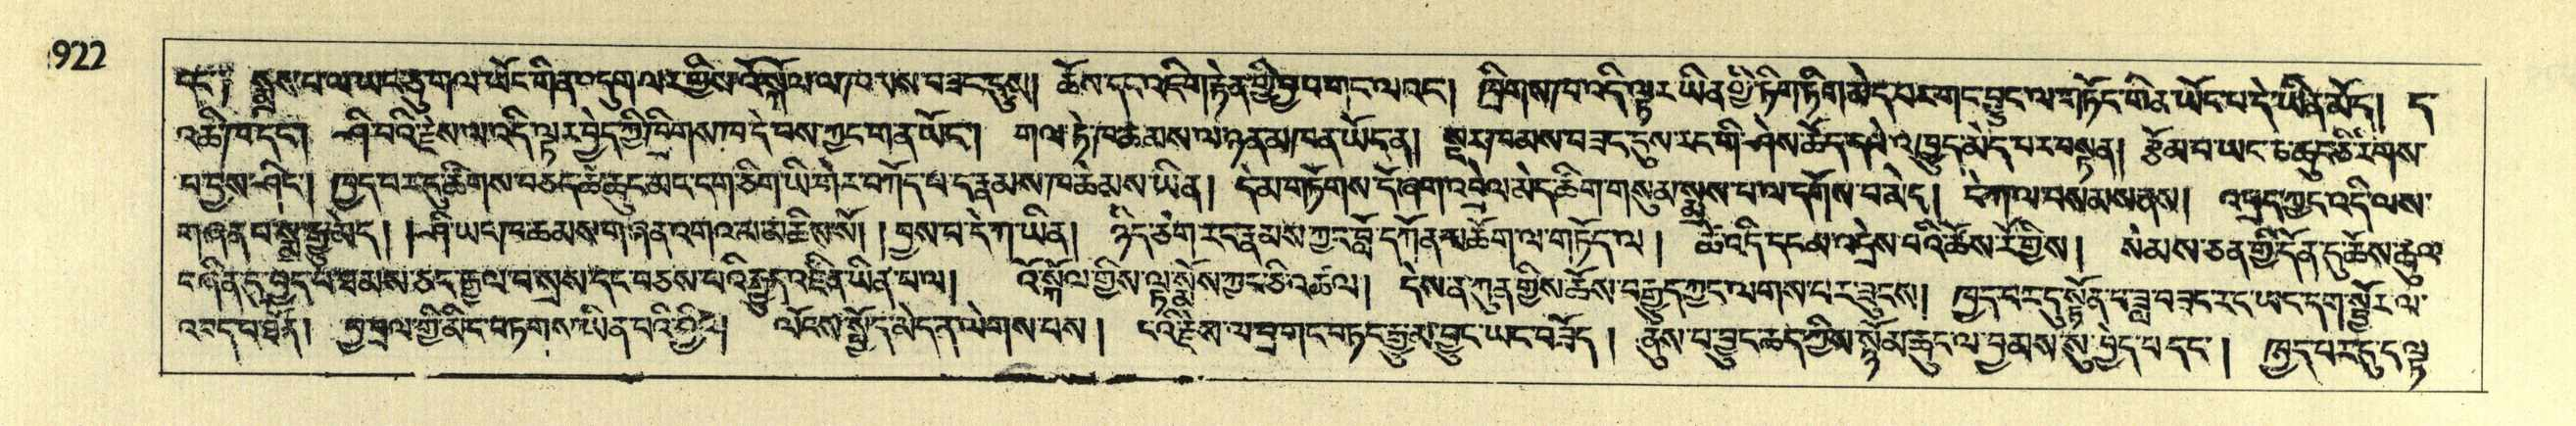དང༑ སྨྲས་པ་ལ་ཡང་ཅུ་གལ་ཡོང་གིན་འདུག་ལར་གྱིས་འོ་སྐོལ་ལ་ཁམས་བཟང་དུས། ཆོས་དང་འཇིག་རྟེན་གྱི་བྱ་བ་གང་ལའང་། ཁྲིགས་ཁ་འདི་ལྟར་ཡིན་གྱི་ཏིག་ཏིག་མེད་པར་གང་བྱུང་ལ་གཏོང་གིན་ཡོང་པ་དེ་ཡིན་མོད། ད་
འཆི་ཁ་དང་། ཤི་བའི་རྗེས་ལ་འདི་ལྟར་བྱེད་ཀྱི་ཁྲིགས་ཁ་དེ་བས་ཀྱང་ག་ན་ཡོང་། གལ་ཏེ་ཁ་ཆམས་ལ་ཉན་མཁན་ཡོད་ན། སྔར་ཁམས་བཟང་དུས་རང་གི་ཤེས་ཚོད་དཔེ་འཁྱུད་མེད་པར་བསྟན། རྩོམ་བ་ཡང་ཆ་ཆུང་ཅི་རིགས་
བ་བྱས་ཤིང་། ཁྱད་བར་དུ་ཚིགས་བཅད་ཚེ་ཆུང་མང་དག་ཅིག་ཡི་གེར་བཀོད་པ་ད་རྣམས་ཁ་ཆེམས་ཡིན། དེ་མ་གཏོགས་དོ་ཞག་འབྲེལ་མེད་ཚིག་གསུམ་སྨྲས་པ་ལ་དགོས་པ་མེད། དེ་ཀ་ལ་བསམས་ནས། འཕྲད་ཀྱང་འདི་ལས་
གཞན་བ་སྨྲ་རྒྱུ་མེད། །ཤི་ཡང་ཁ་ཆམས་གཞན་འགའ་མ་མཆིས་སོ། །བྱས་པ་དེ་ཀ་ཡིན། ཉིད་ཅིག་རང་རྣམས་ཀྱང་བློ་དཀོན་མཆོག་ལ་གཏོད་ལ། ཚེ་འདི་དང་མ་འདྲེས་པའི་ཚོས་རོ་གྱིས། སེམས་ཅན་གྱི་དོན་དུ་ཆོས་ཚུལ་
བཞིན་དུ་བྱད་པ་ཐམས་ཅད་རྒྱལ་བ་སྲས་དང་བཅས་པའི་རྒྱུད་འཛིན་ཡིན་པ་ལ། འོ་སྐོལ་གྱིས་ལྟ་སྨོས་ཀྱང་ཅི་འཚལ། དེས་ན་ཀུན་གྱིས་ཆོས་བརྒྱུད་ཀྱང་ལགས་པར་ཟུངས། ཁྱད་བར་དུ་སྟོན་བ་ཟླ་བཟང་རང་ཡང་དག་སྦྱོར་ལ་
འབད་པ་ཐོན། བྱ་བྲལ་གྱི་མིང་བཏགས་ཡིན་པའི་བྱའི། ལོངས་སྤྱོད་མེད་ན་ལེགས་པས། ངའི་རྗེས་ལ་བྲ་གང་བཏང་རྒྱུ་མ་བྱུང་ཡང་བཟོད། ནུས་པ་བྱུང་ཆད་ཀྱིས་སྙོམ་ཆུང་ལ་བྱམས་སུ་བྱེད་པ་དང་། ཁྱད་པར་དུ་ད་ལྟ་